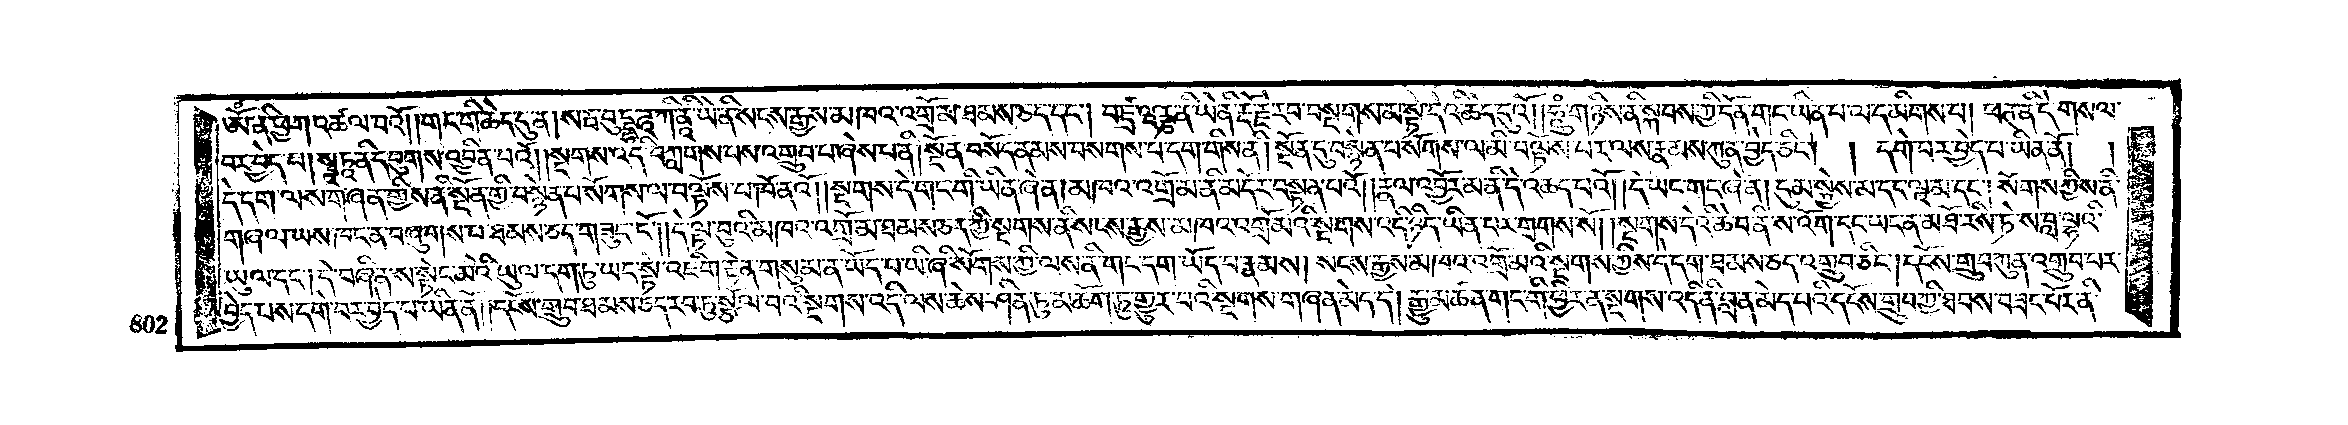ཨོཾ་ནི་ཕྱག་འཚལ་བའོ། །གང་གི་ཆེད་དུ་ན། སརྦ་བུདྡྷ་ཌཱ་ཀི་ནཱི་ཡེ་ནི་སངས་རྒྱས་མཁའ་འགྲོ་མ་ཐམས་ཅད་དང་། བཛྲ་ཝརྞ་ནི་ཡེ་ནི་རྡོ་རྗེ་རབ་བསྔགས་མ་སྟེ་དེའི་ཆེད་དུའོ། །ཧཱུཾ་གཉིས་ནི་སྐབས་ཀྱི་དོན་གང་ཡིན་པ་ལ་དམིགས་པ། ཕཊ་ནི་དེ་གསལ་
བར་བྱེད་པ། སྭཱ་ཧཱ་ནི་དབུགས་འབྱིན་པའོ། །སྔགས་འདི་བཀླགས་པས་འགྲུབ་པ་ཞེས་པ་ནི། སྔོན་བསོད་ནམས་བསགས་པ་དག་གིས་ནི། སྔོན་དུ་བསྙེན་པ་སོགས་ལ་མི་བལྟོས་པར་ལས་རྣམས་ཀུན་བྱེད་ཅིང་། དགེ་བར་བྱེད་པ་ཡིན་ནོ། །
དེ་དག་ལས་གཞན་གྱིས་ནི་སྔོན་གྱི་བསྙེན་པ་སོགས་ལ་བལྟོས་པ་ཁོ་ནའོ། །སྔགས་དེ་གང་གི་ཡིན་ཞེ་ན། མཁའ་འགྲོ་མ་ནི་མདོར་བསྟན་པའོ། །རྣལ་འབྱོར་མ་ནི་དེ་འཆད་པའོ། །དེ་ཡང་གང་ཞེ་ན། དུམ་སྐྱེས་མ་དང་ལཱ་མ་དང་། སོགས་ཀྱིས་ནི་
གཞལ་ཡས་ཁང་ན་བཞུགས་པ་ཐམས་ཅད་གཟུང་ངོ། །དེ་ལྟ་བུའི་མཁའ་འགྲོ་མ་ཐམས་ཅད་ཀྱི་སྔགས་ནི་སངས་རྒྱས་མཁའ་འགྲོ་མའི་སྔགས་འདི་ཉིད་ཡིན་པར་གྲགས་སོ། །སྔགས་དེའི་ཆེ་བ་ནི་ས་འོག་དང་ཡང་ན་མཐོ་རིས་ཏེ་ས་བླ་ལྷའི་
ཡུལ་དང་། དེ་བཞིན་ས་སྟེང་མིའི་ཡུལ་དག་ཏུ་ཡང་སྟེ་འཇིག་རྟེན་གསུམ་ན་ཡོད་པ་ཡི་ཞི་སོགས་ཀྱི་ལས་ནི་གང་དག་ཡོད་པ་རྣམས། སངས་རྒྱས་མཁའ་འགྲོ་མའི་སྔགས་ཀྱིས་དེ་དག་ཐམས་ཅད་འགྲུབ་ཅིང་། དངོས་གྲུབ་ཀུན་འགྲུབ་པར་
བྱེད་པས་དགེ་བར་བྱེད་པ་ཡིན་ནོ། །དངོས་གྲུབ་ཐམས་ཅད་རབ་ཏུ་སྩོལ་བའི་སྔགས་འདི་ལས་ཆེས་ཤིན་ཏུ་མཆོག་ཏུ་གྱུར་བའི་སྔགས་གཞན་མེད་དེ། རྒྱུ་མཚན་གང་གི་ཕྱིར་ན་སྔགས་འདི་ནི་བླ་ན་མེད་པའི་དངོས་གྲུབ་ཀྱི་ཐབས་བཟང་པོར་ནི་